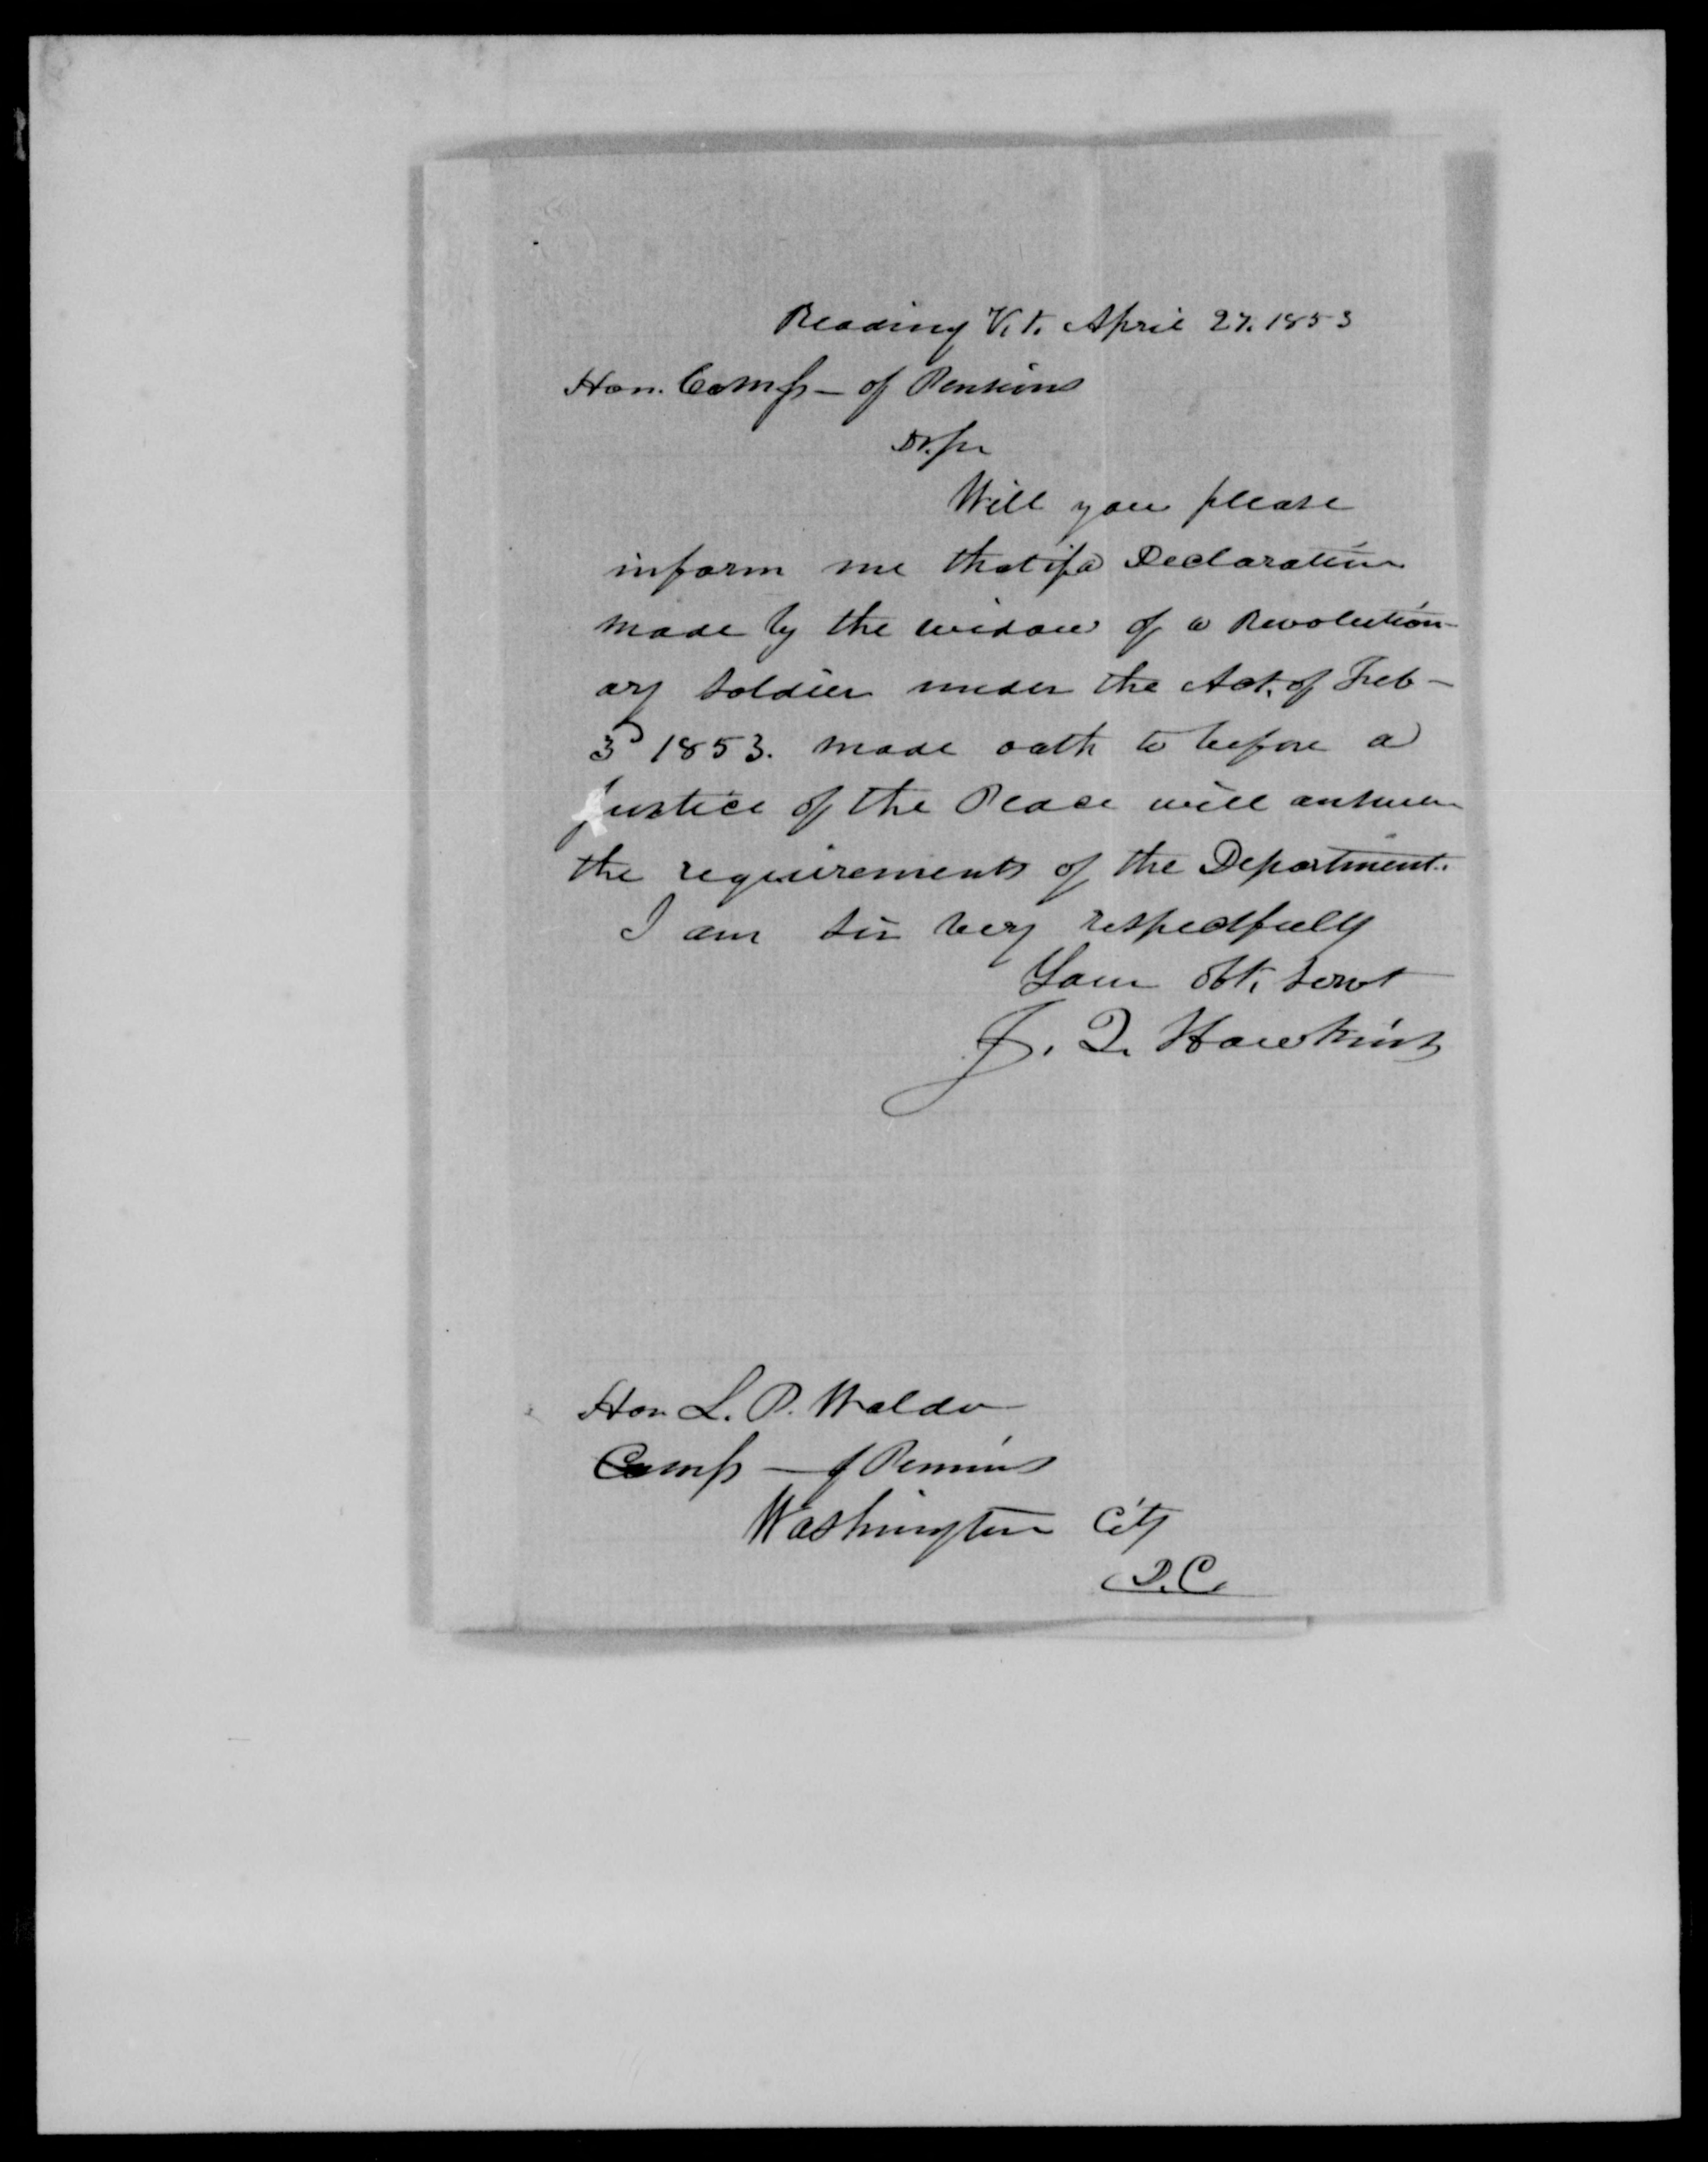Reading V.T. April 27, 1853
Hon. Commr. of Pensions

Dr .Sir
Will you please inform me that if a Declaration made by the widow of a revolutionary soldier under the Act of Feb. 3, 1853 made oath to before a Justice of the Peace will answer the requirements of the Department.
I am sir very respectfully
our obt. servt.
J. Q. Hawkins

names: L P Waldo, J Q Hawkins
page: 52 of 66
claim: widow's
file: W. 2468, Amos Wetherbee, Mass.